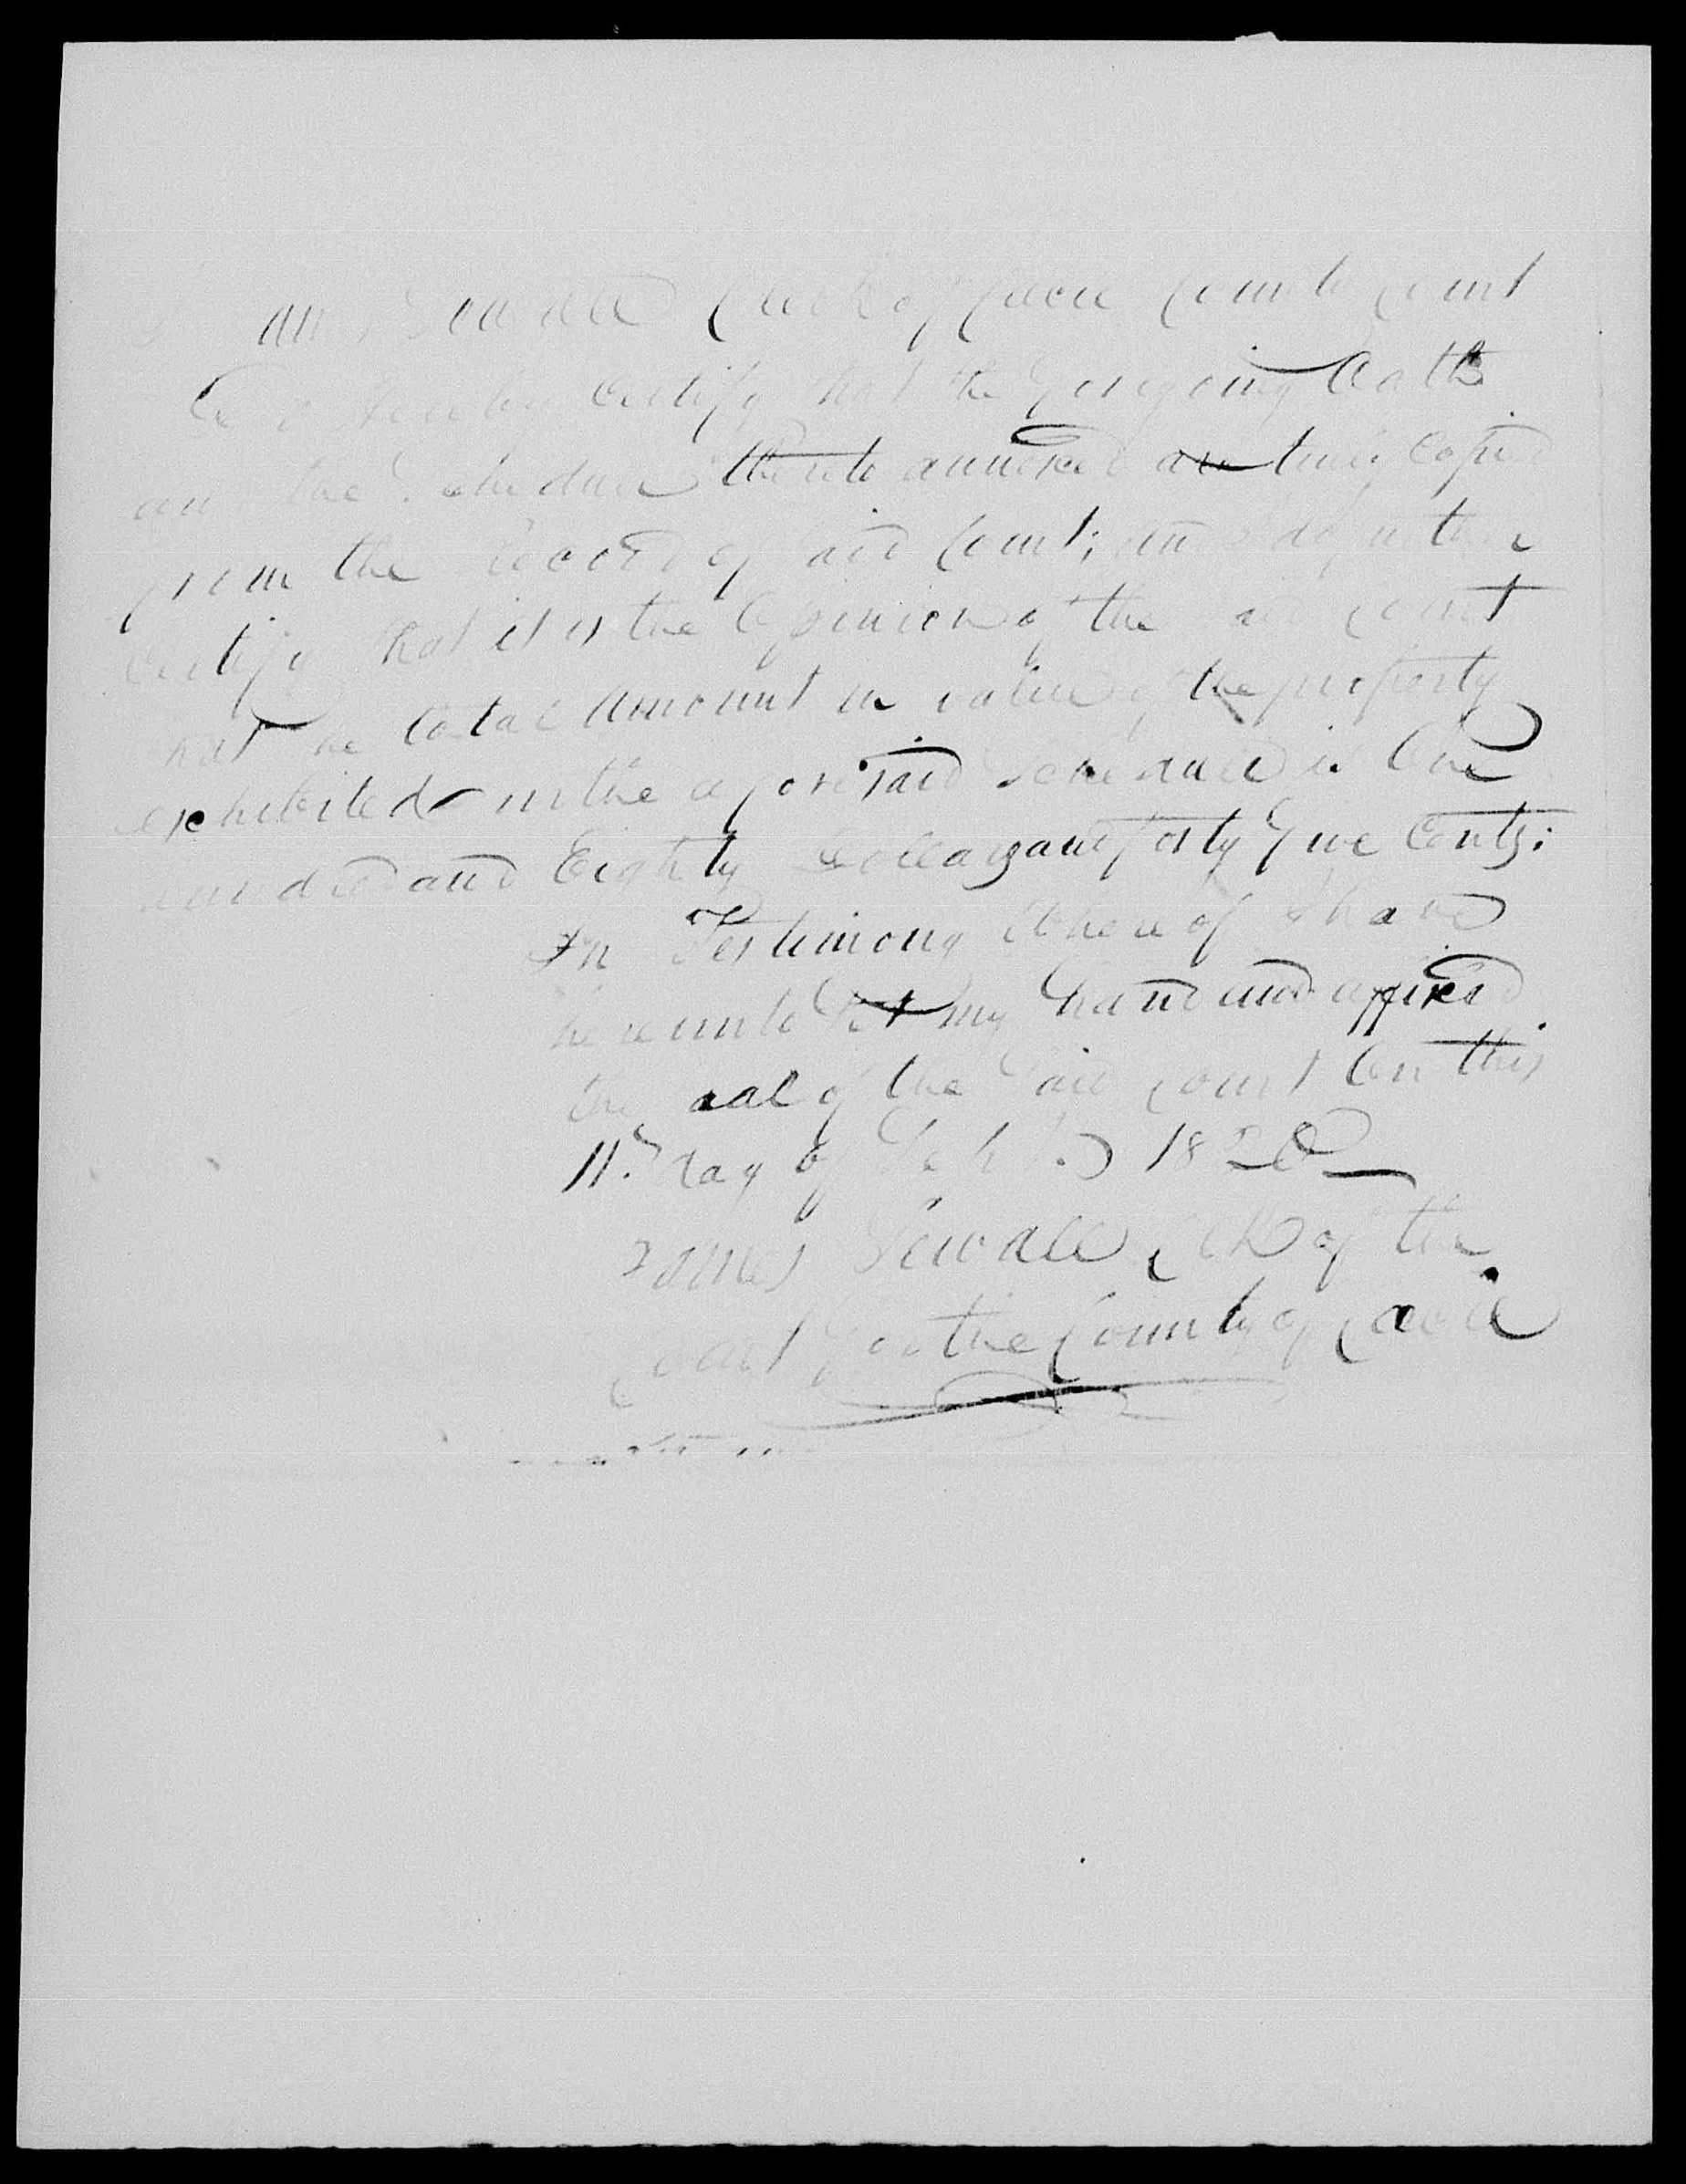James Sewall Clerk of Cecil County Court
I hereby certify that the foregoing oath and the schedule thereto annexed are truly copies from the record of said Court; and do [illeg.] certify that it is the opinion of the said Court that the total amount in value of the property exhibited in the aforesaid Schedule is One hundred and Eighty dollars and forty five cents;
In Testimony thereof I have hereunto set my hand and affix the seal of the Said Court on this 11th day of Sept. 1820 --
[signed] James Sewall Cl of the Court & the Counties of said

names: James Sewall, James Sewall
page: 12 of 74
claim: widow's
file: W. 9422, James Edgar, Penn.